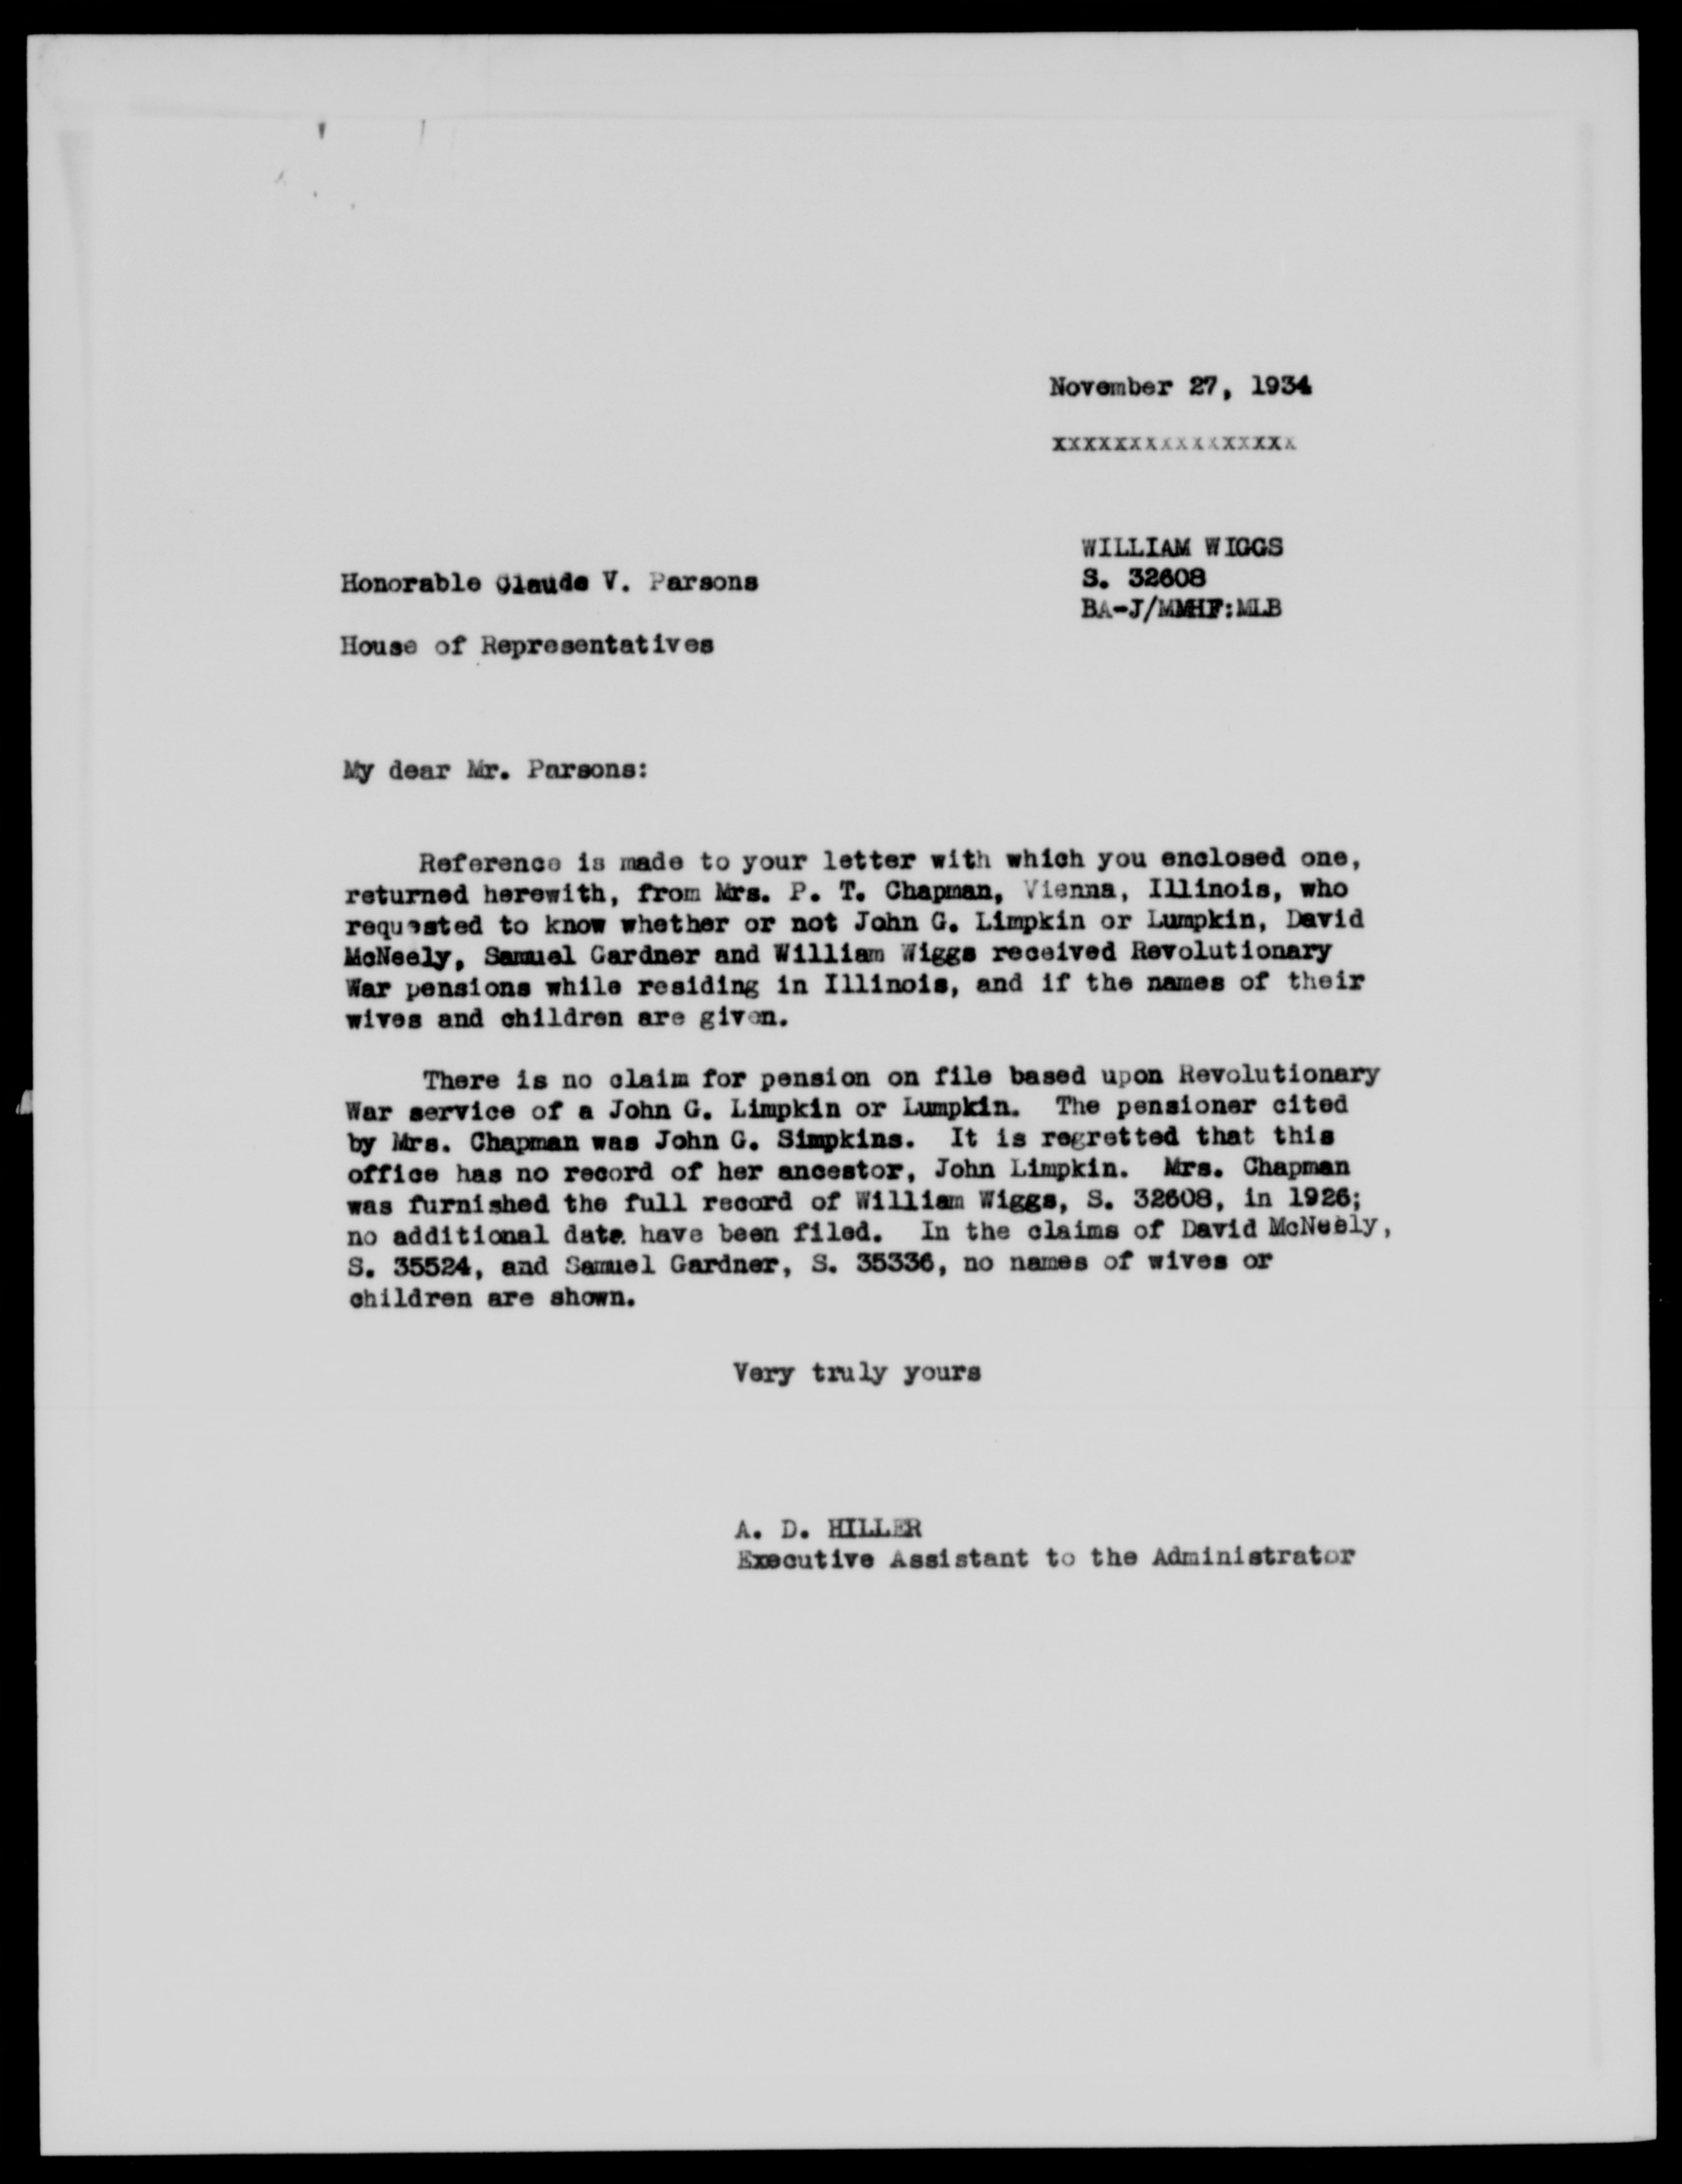November 27, 1934
XXXXXXXXXXXXXXXX

WILLIAM WIGGS
S. 32608
BA-J/MMHF: MLB
Honorable Claude V. Parsons

House of Representatives

My dear Mr. Parsons:


Reference is made to your letter with which you enclosed one, returned herewith, from Mrs. P. T. Chapman, Vienna, Illinois, who requested to know whether or not John G. Limpkin or Lumpkin, David
McNeely, Samuel Gardner and William Wiggs received Revolutionary War pensions while residing in Illinois, and if the names of their wives and children are given.

There is no claim for pension on file based upon Revolutionary War service of a John G. Limpkin or Lumpkin. The pensioner cited by Mrs. Chapman was John G. Simpkins. It is regretted that this
office has no record of her ancestor, John Limpkin.  Mrs. Chapman was furnished the full record of William Wiggs, S. 32608, in 1926; no additional date have been filed. In the claims of David McNeely,
S. 35524, and Samuel Gardner, S. 35336, no names of wives or children are shown.

Very truly yours
A. D. HILLER
Executive Assistant to the Administrator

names: John G Limpkin, William Wiggs, John Limpkin, David Mc Neely, John G Simpkins, P T Chapman, A D Hiller, John G Lumpkin, Samuel Gardner, Claude V Parsons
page: 31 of 31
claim: survivor's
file: S. 32608, William Wiggs, N.C.